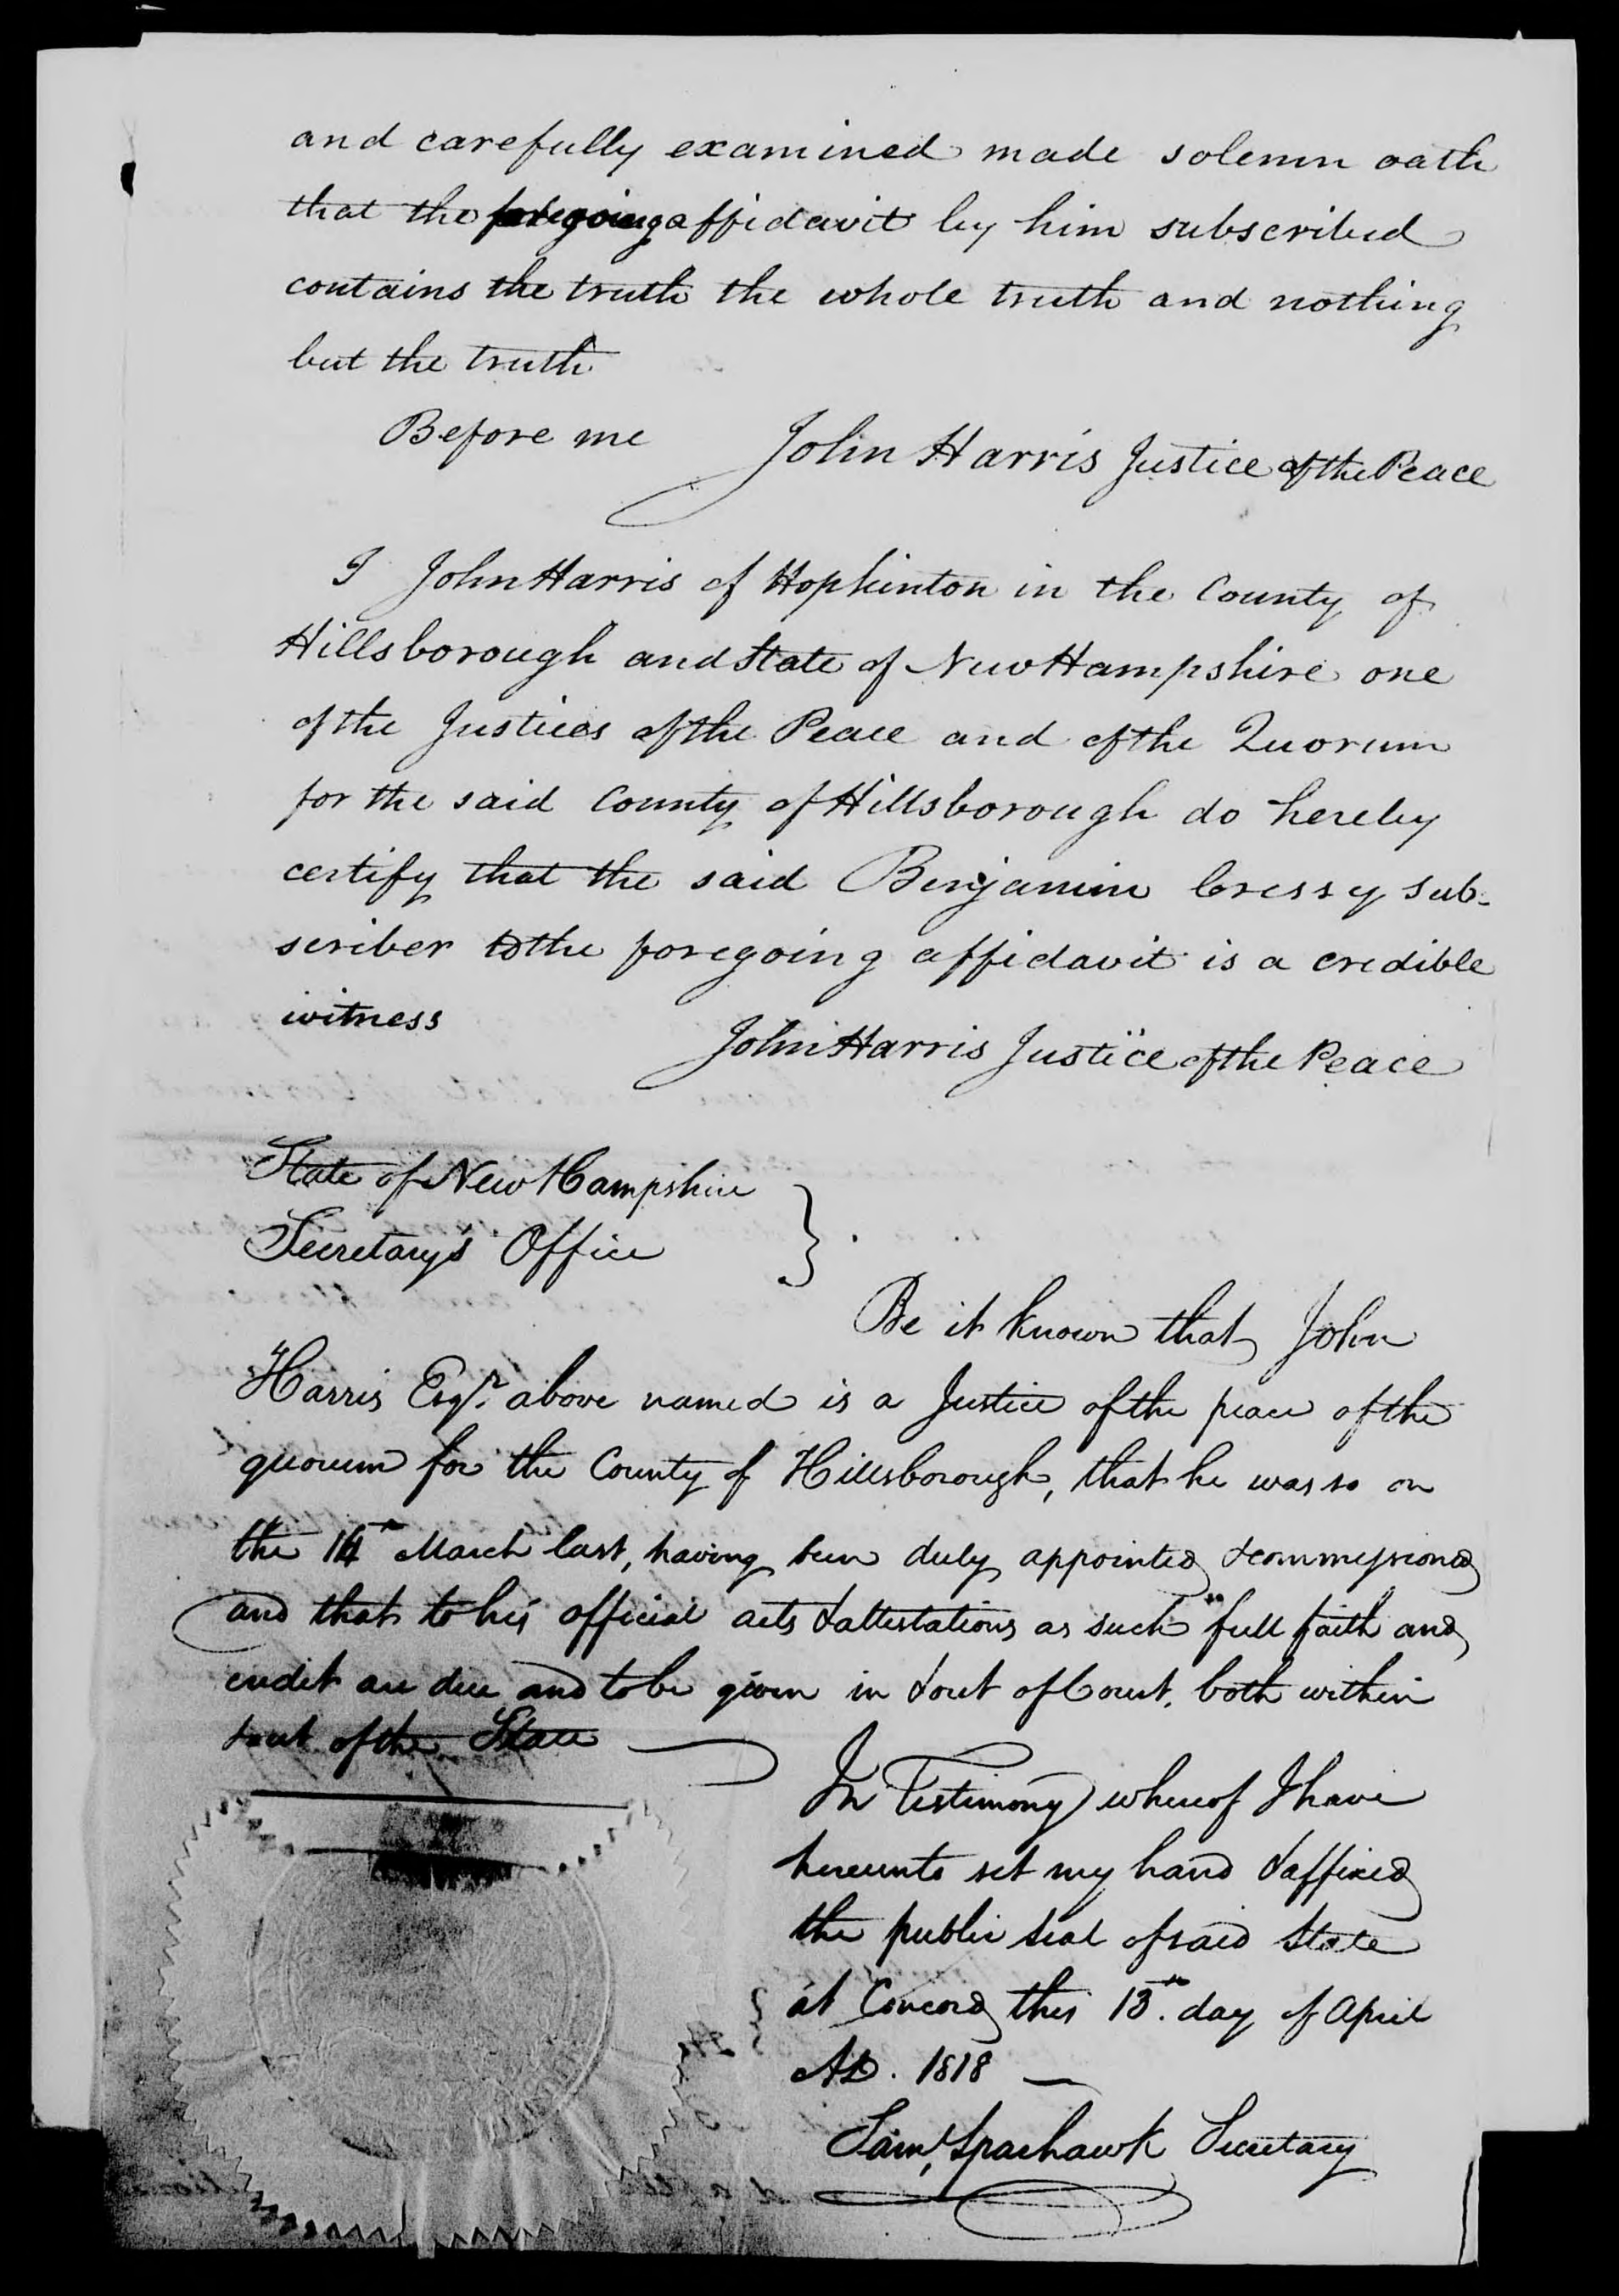and carefully examined made solemn oath 
that the foregoing affidavit by him subscribed 
contains the truth the whole truth and nothing 
but the truth.
Before me John Harris Justice of the Peace

I John Harris of Hopkinton in the County of 
Hillsborough and State of New Hampshire one 
of the Justices of the Peace and of the Quorum 
for the said County of Hillsborough do hereby 
certify that the said Benjamin Cressy sub
scriber to the foregoing affidavit is a credible 
witness
John Harris Justice of the Peace

State of New Hampshire }
Secretary's Office }

Be it known that John 
Harris Esqr. above named is a Justice of the peace of the 
quorum for the County of Hillsborough, that he was so on 
the 14th March last, having been duly appointed & commissioned 
and that to his official acts & attestations as such full faith and 
credit are due and to be given in & out of Court, both within 
& out of the State.
[Blurred seal of State] In Testimony whereof I have 
hereunto set my hand & affixed 
the public seal of said State 
at Concord this 13th day of April 
AD. 1818.
Saml. Sparhawk Secretary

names: John Harris, John Harris, Saml Sparhawk, John Harris, John Harris, Benjamin Cressy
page: 15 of 17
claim: survivor's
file: S 41436, Aaron Bixby, N.H.